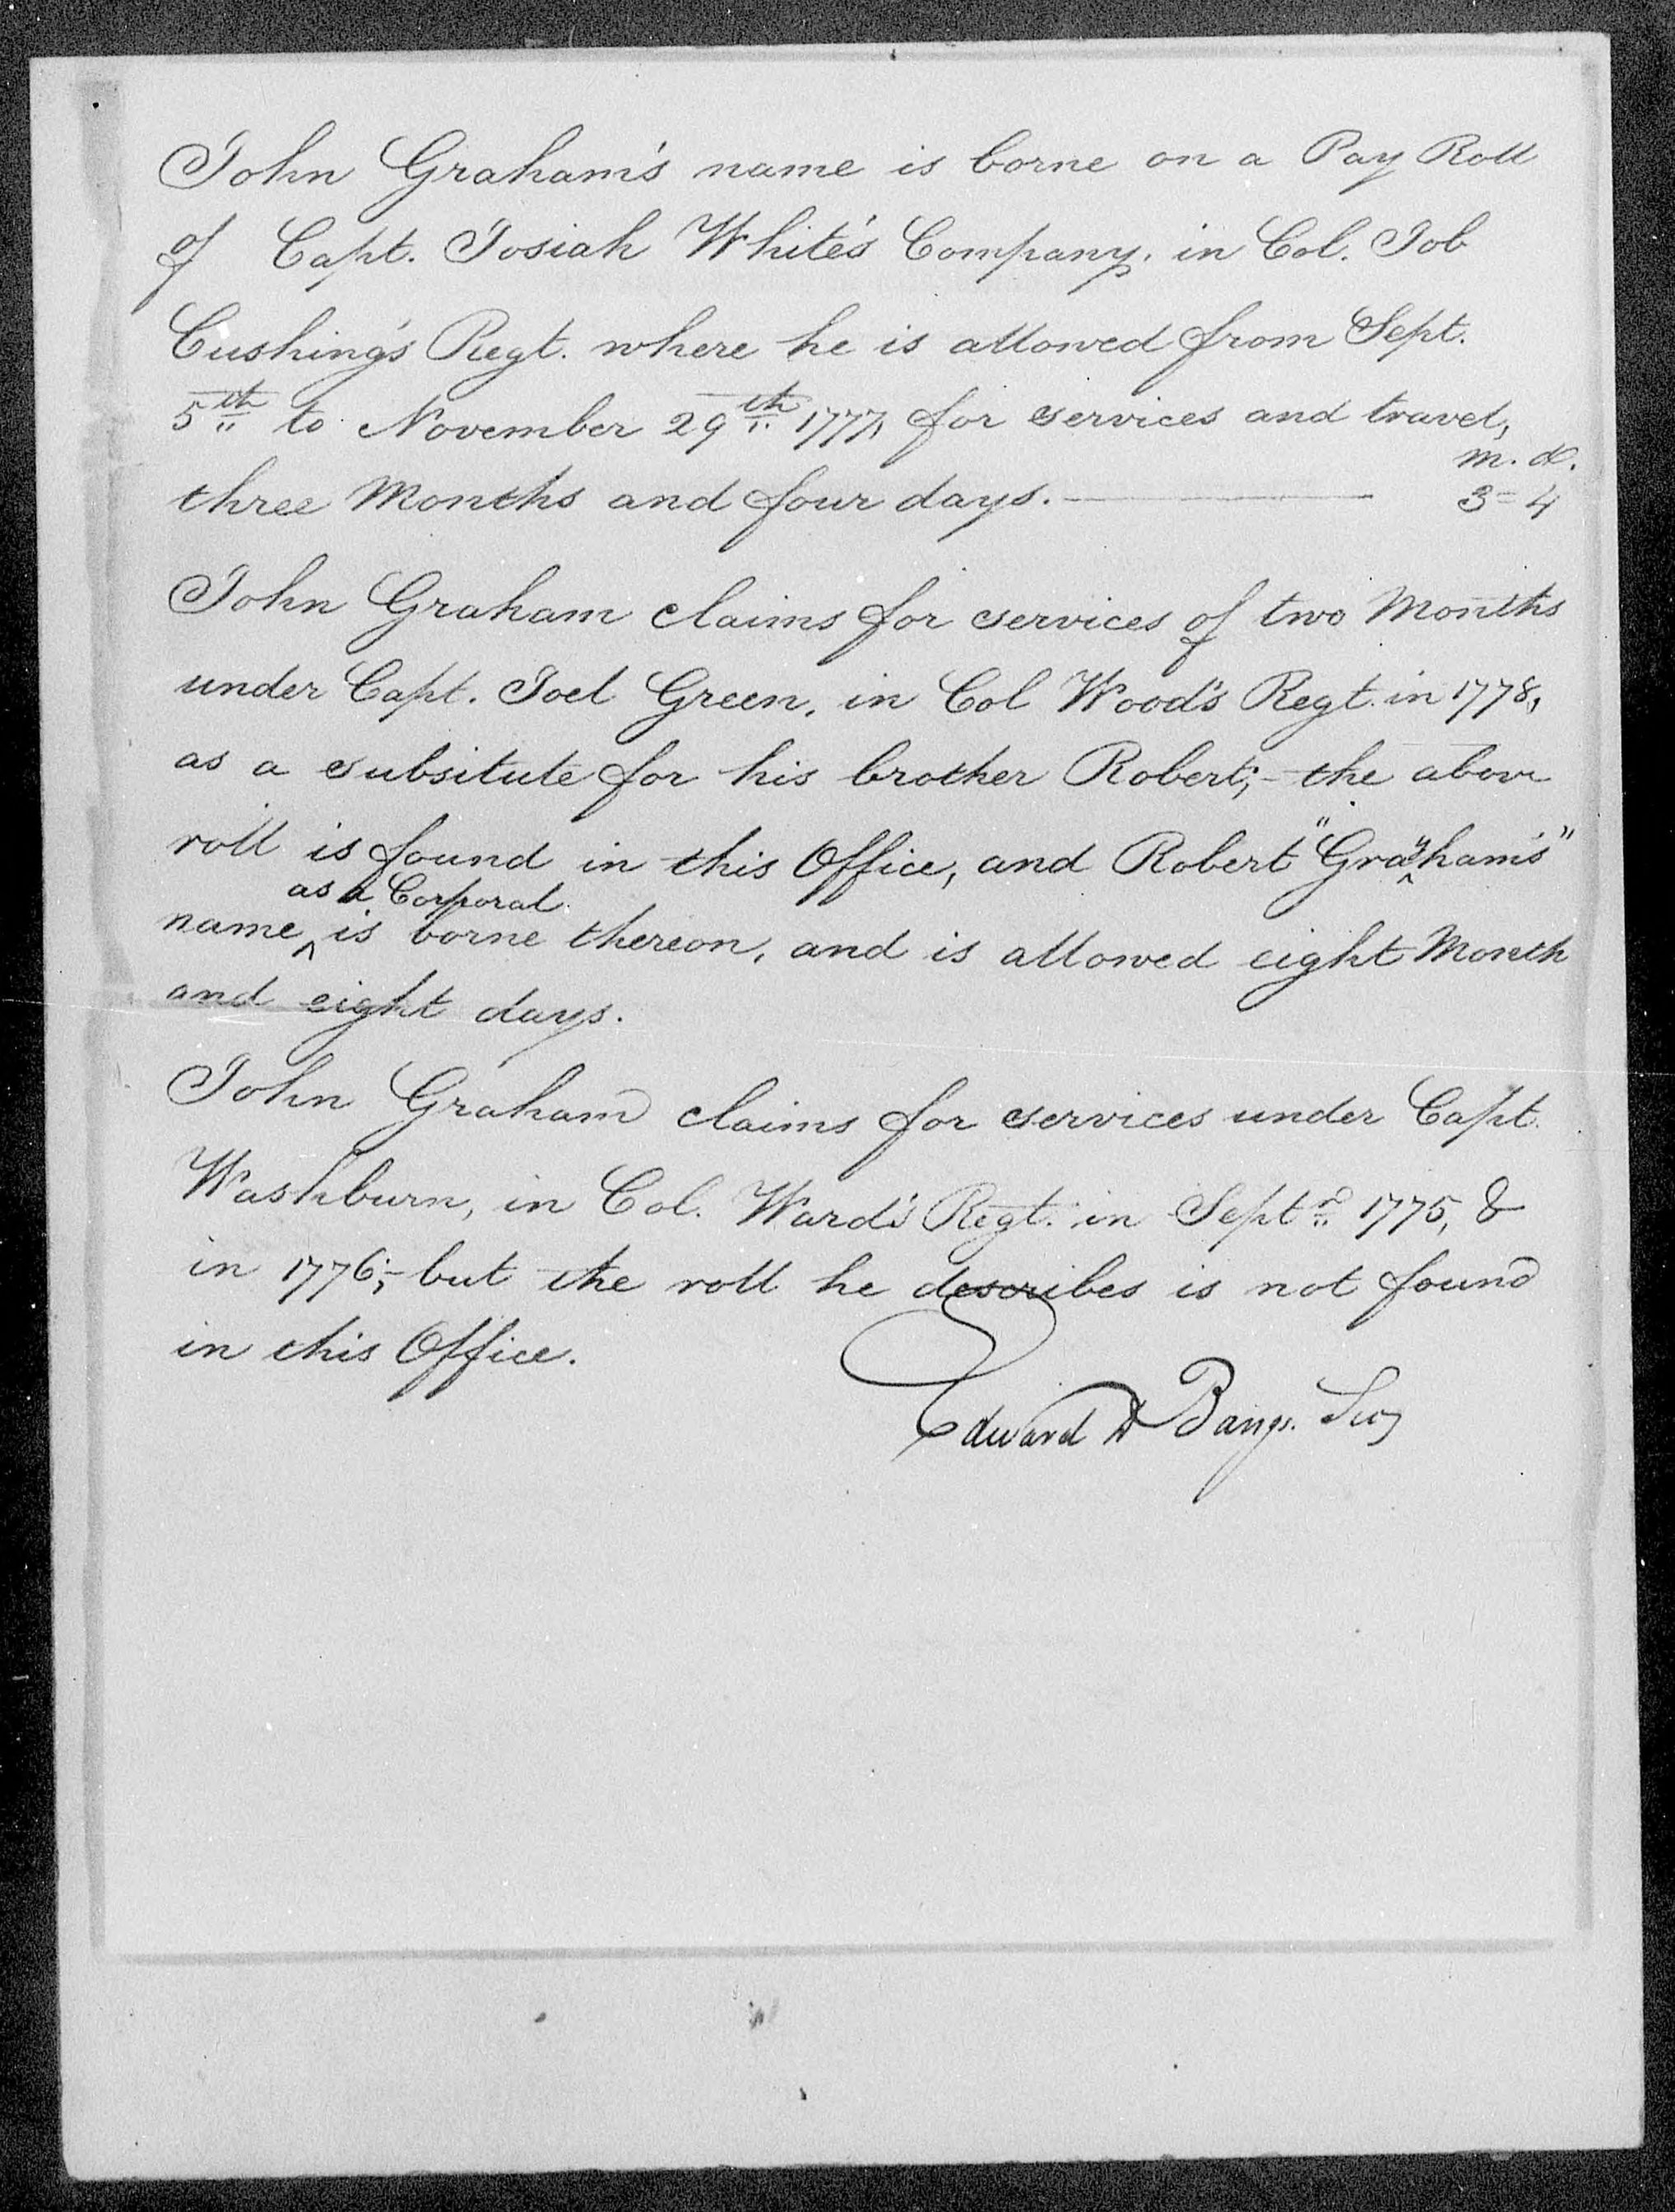John Graham's name is borne on a Pay Roll of Capt. Josiah White's Company, in Col. Job Cushing's Regt. where he is allowed from Sept. 5th to November 29th 1777 for services and travel three months and four days___m.d. 3=4
John Graham claims for services of two months under Capt. Joel Green, in Col Wood's Regt. in 1778, as a substitute for his brother Robert; the above roll is found in this office, and Robert "Graham's" name as a Corporal is borne thereon, and is allowed eight month and eight days.
John Graham claims for services under Capt. Washburn, in Col. Ward's Regt. in Sept. 1775. & in 1776; but the roll he describes is not found in this office. 
Edward D. Bangs Liey(?)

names: Edward D Bangs, John Graham, Robert, John Graham, John Graham, Washburn, Robert Graham, Joel Green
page: 21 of 28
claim: survivor's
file: S. 22799, John Graham, Mass